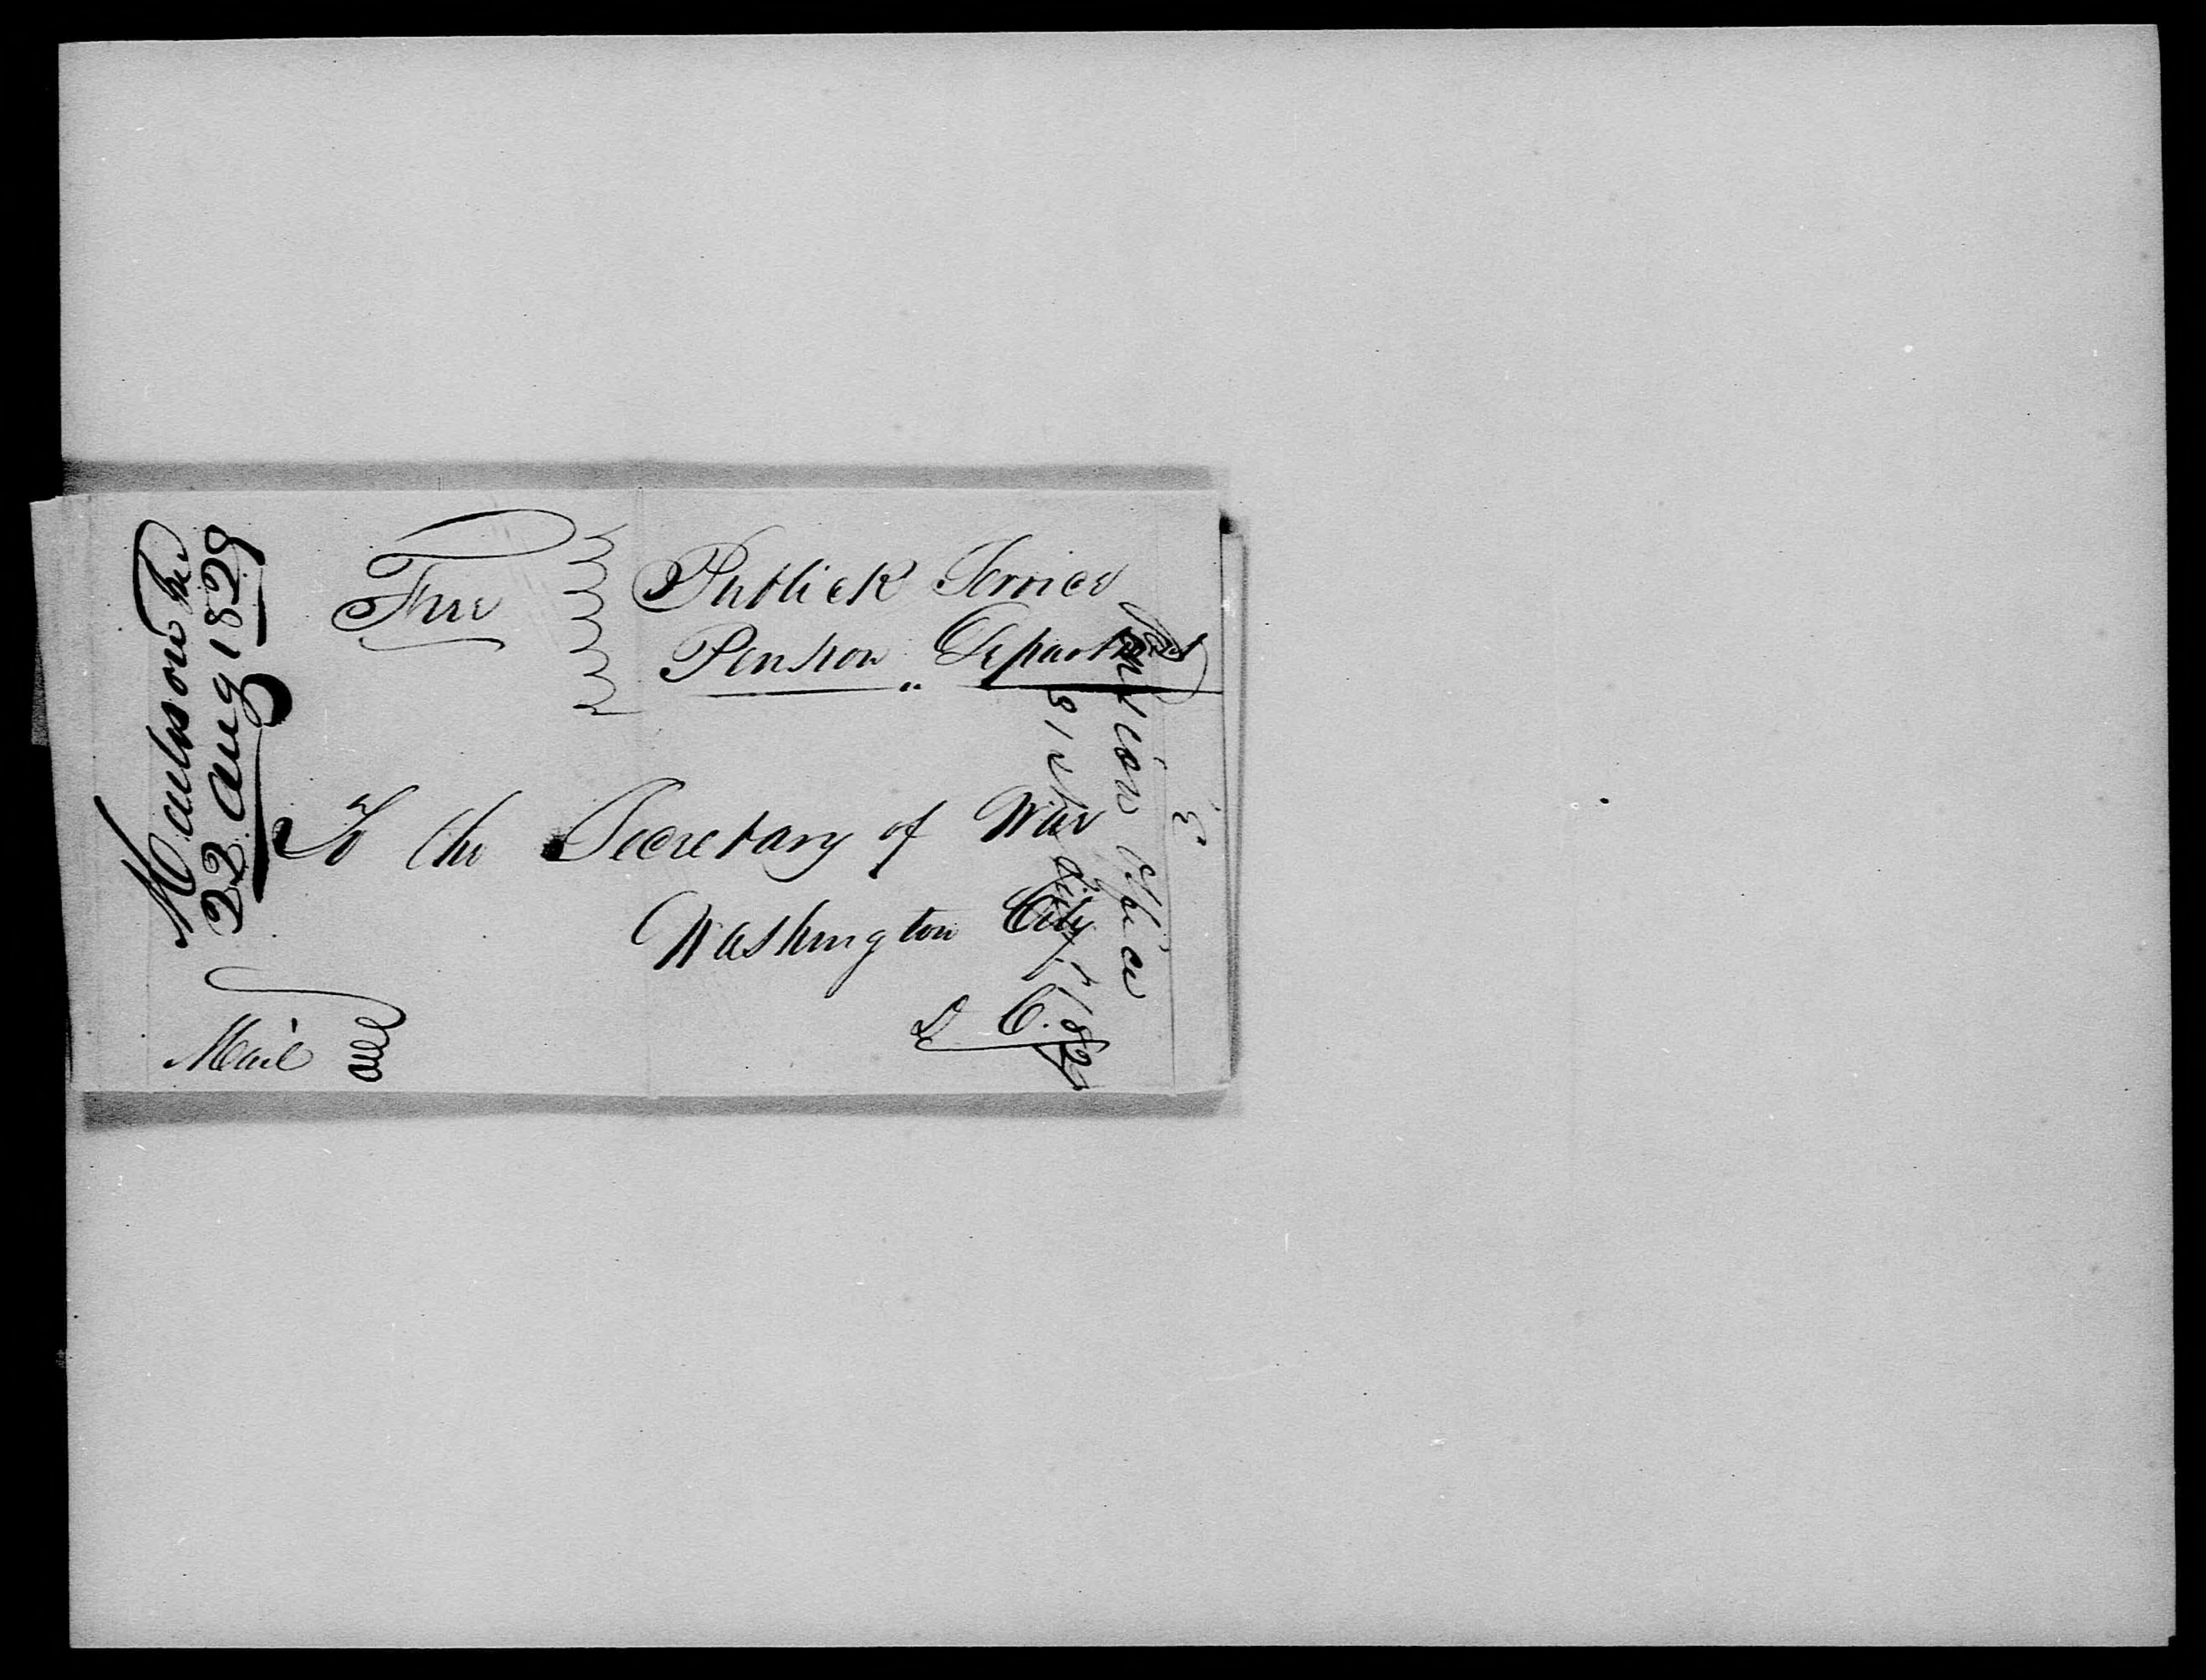Image 88            4160873_00088                
Fold3 File #23857254

[Address]
Fm  Publick [Public] Service Pension Department

To the Secretary of War Washington City D.C.
Mail --
[Sidebars] 
[left side] Madison [illegible] 22 Aug 1829
[right side] Pension Office 31st Aug 1829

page: 30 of 71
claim: widow's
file: W. 8428, for James Mc Gill, Pennsylvania